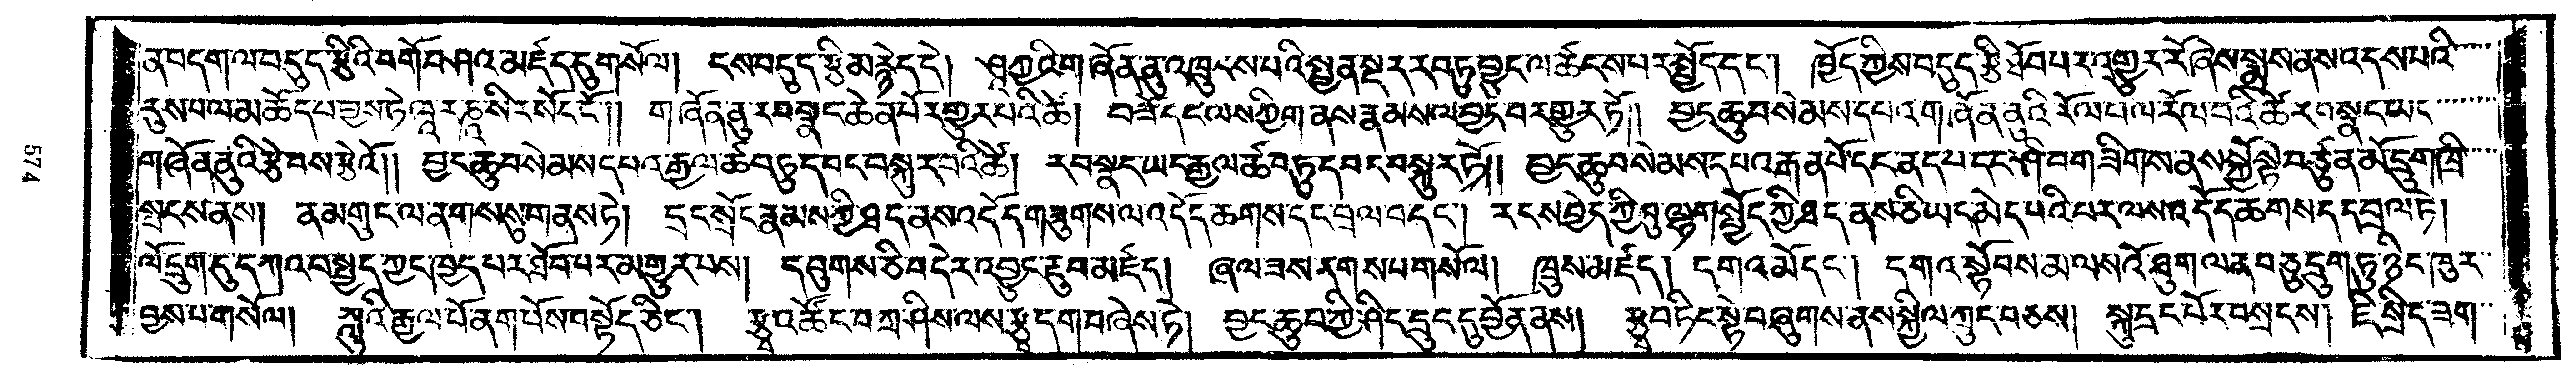ན་བདག་ལ་བདུད་རྩིའི་བགོ་བཤའ་མཛད་དུ་གསོལ། ངས་བདུད་རྩི་མ་རྙེད་དེ། ཤཱཀྱའི་གཞོན་ནུ་འཁྲུངས་པའི་སྤྱན་སྔར་རབ་ཏུ་བྱུང་ལ་ཚངས་པར་སྤྱོད་དང་། ཁྱོད་ཀྱིས་བདུད་རྩི་ཐོབ་པར་འགྱུར་རོ་ཞེས་སྨྲས་ནས་འདས་པའི་
རུས་པ་ལ་མཆོད་པ་བྱས་ཏེ་ཝཱ་ར་ཎཱ་སིར་སོང་ངོ།། གཞོན་ནུ་རབ་སྣང་ཆེན་པོར་གྱུར་པའི་ཚེ། བཟོ་དང་ལས་ཀྱི་གནས་རྣམས་ལ་བྱད་པར་གྱུར་ཏོ།། བྱང་ཆུབ་སེམས་དཔའ་གཞོན་ནུའི་རོལ་པ་ལ་རོལ་བའི་ཚེ་རབ་སྣང་ཡང་
གཞོན་ནུའི་རྩེ་བས་རྩེའོ།། བྱང་ཆུབ་སེམས་དཔའ་རྒྱལ་ཚབ་ཏུ་དབང་བསྐུར་བའི་ཚེ། རབ་སྣང་ཡང་རྒྱལ་ཚབ་ཏུ་དབང་བསྐུར་ཏོ། །བྱང་ཆུབ་སེམས་དཔའ་རྒན་པོ་དང་ནད་པ་དང་ཤི་བ་གཟིགས་ནས་སྐྱོ་སྟེ་བཙུན་མོ་དྲུག་ཁྲི་
སྤངས་ནས། ནམ་གུང་ལ་ནགས་སུ་གནས་ཏེ། དྲང་སྲོང་རྣམས་ཀྱི་ཐད་ནས་འདོད་གཟུགས་ལ་འདོད་ཆགས་དང་བྲལ་བ་དང་། རངས་བྱེད་ཀྱི་བུ་ལྷག་སྤྱོད་ཀྱི་ཐད་ནས་ཅི་ཡང་མེད་པའི་བར་ལས་འདོད་ཆགས་དང་བྲལ་ཏེ།
ལོ་དྲུག་དུ་དཀའ་བ་སྤྱད་ཀྱང་ཁྱད་པར་ཐོབ་པར་མ་གྱུར་པས། དབུགས་ཅི་བདེར་འབྱུང་རྡུབ་མཛད། ཞལ་ཟས་རགས་པ་གསོལ། ཁྲུས་མཛད། དགའ་མོ་དང་། དགའ་སྟོབས་མ་ལས་འོ་ཐུག་ལན་བཅུ་དྲུག་ཏུ་ཉིང་ཁུར་
བྱས་པ་གསོལ། ཀླུའི་རྒྱལ་པོ་ནག་པོས་བསྟོད་ཅིང་། རྩྭ་འཚོང་བཀྲ་ཤིས་ལས་རྩྭ་དག་བཞེས་ཏེ། བྱང་ཆུབ་ཀྱི་ཤིང་དྲུང་དུ་བྱོན་ནས། རྩྭ་བཏིང་སྟེ་བཞུགས་ནས་སྐྱིལ་ཀྲུང་བཅས། སྐུ་དྲང་པོར་བསྲངས། ཇི་སྲིད་ཟག་